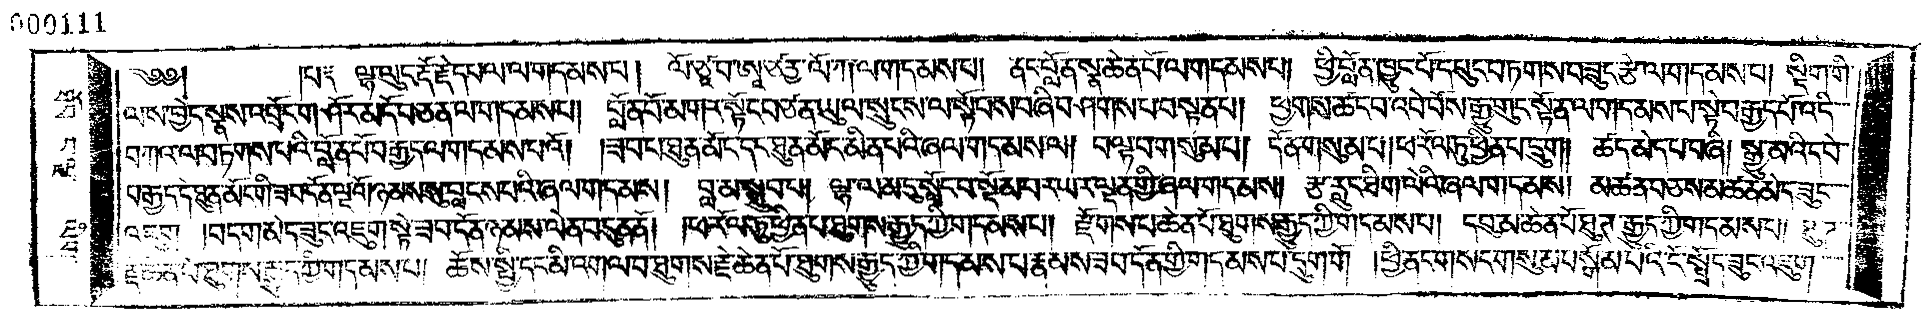༄༅། །པ༑ ལྷ་ལུང་རྡོ་རྗེ་དཔལ་ལ་གདམས་པ། ལོ་ཙཱ་བ་ཨཱ་ཙརྱ་ལོ་ཀ་ལ་གདམས་པ། ནང་བློན་སྣ་ཆེན་པོ་ལ་གདམས་པ། ཕྱི་བློན་ཁྱུང་པོ་དཔུང་བཏགས་བཟུང་རྩེ་ལ་གདམས་པ། སྡིག་གི་
ལས་བྱེད་སྣས་འབྲོང་གཤོར་མདོ་བ་ཅན་ལ་གདམས་པ། བློན་པོ་མགར་སྟོང་བཙན་ཡུལ་སྲུངས་ལ་སྟོབས་བཞི་བཤགས་པ་བསྟན་པ། ཕྱགས་ཚང་བ་འབེ་བོས་རྒྱུ་གུང་སྟོན་ལ་གདམས་པ་སྟེ་བརྒྱད་པོ་འདི་
བཀའ་ལ་བཏགས་པའི་བློན་པོ་བརྒྱད་ལ་གདམས་པའོ། །ཟབ་པ་ཐུན་མོང་དང་ཐུན་མོང་མིན་པའི་ཞལ་གདམས་ལ། བལྟ་བ་གསུམ་པ། དོན་གསུམ་པ། ཕ་རོལ་ཏུ་ཕྱིན་པ་དྲུག །ཚད་མེད་པ་བཞི། སྒྱུ་མའི་དབེ་
བརྒྱད་དེ་ཐུན་མོང་གི་ཟབ་དོན་ལྔ་བོ། ཉམས་སུ་བླངས་པའི་ཞལ་གདམས། བླ་མ་སྒྲུབ་པ། ལྷ་ལམ་དུ་སློང་པ་སྡོམ་པར་ཡར་ལྡན་གྱི་ཞལ་གདམས། རྩ་རླུང་ཐིག་ལེའི་ཞལ་གདམས། མཚན་བཅས་མཚན་མེད་ཟུང་
འཇུག །བདག་མེད་ཟུང་འཇུག་སྟེ་ཟབ་དོན་ཉམས་ལེན་བདུན་ནོ། །ཕ་རོལ་ཏུ་ཕྱིན་པ་ཐུགས་རྒྱུད་ཀྱི་གདམས་པ། རྫོགས་པ་ཆེན་པོ་ཐུགས་རྒྱུད་ཀྱི་གདམས་པ། དབུ་མ་ཆེན་པོ་ཐུཊ་རྒྱུད་ཀྱི་གདམས་པ། ཐུཊ་
རྗེ་ཆེན་པོ་ཐུགས་རྒྱུད་ཀྱི་གདམས་པ། ཆོས་སྤྱི་དང་མི་འགལ་བ་ཐུགས་རྗེ་ཆེན་པོ་ཐུགས་རྒྱུད་ཀྱི་གདམས་པ་རྣམས་ཟབ་དོན་གྱི་གདམས་པ་དྲུག་གོ། །ཕྱི་ནང་གསང་གསུམ་བསྒོམ་པའི་ངོ་སྤྲོད་ཟུང་འཇུག་